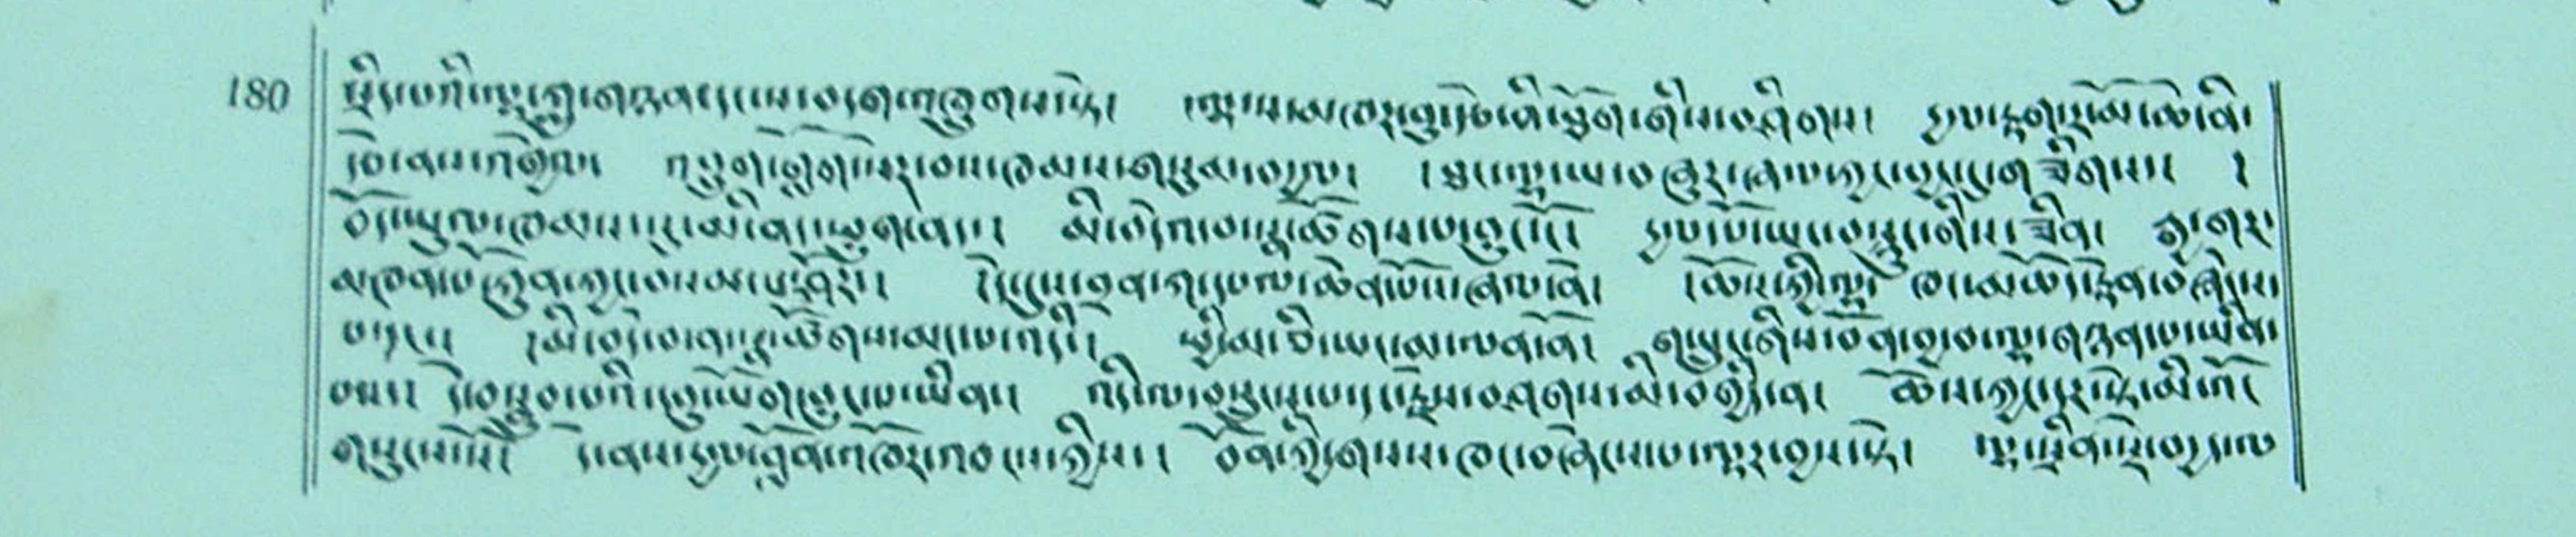སྲིད་པའི་ལྷ་ཀླུ་གཉན་དང་ས་བདག་འཁྲུགས་ཏེ། ལྷ་ས་མཁར་བུ་རྩེ་ནི་ཐོག་གིས་བཤིགས། རྒྱ་སྟག་ར་མོ་ཆེ་ནི་
རྩེ་ནས་འགྱེལ། འབྲུག་གློག་སེར་བས་ཁམས་གསུམ་བརྒྱལ། ཐང་ལྷ་ཡར་བཞུགས་ཞལ་ཀྱང་བྱང་དུ་གཟིགས། 
བོད་ཡུལ་ཁམས་སུ་མི་ནད་ཕྱུགས་ནད། མི་བདེ་བ་སྣ་ཚོགས་པ་བྱུང་ངོ་། །རྒྱལ་བོ་ཡང་བསྙུང་གིས་ཟིན། རྒྱ་གར་
མཁན་པོ་ཀུན་ཀྱང་བསམ་པ་ཤོར། དེ་དུས་བྲན་ཀ་དཔལ་ཆེན་པོས་ཞལ་ནེ། ཆོས་ཀྱི་ལྷ་ཁང་མཆོད་རྟེན་བཞེངས་
པ་དང་། མི་བདེ་བ་ནད་སྣ་ཚོགས་མང་བ་འདི། ཕྱི་མ་ཅི་ཡང་མ་ལན་ནོ། །གཡུང་དྲུང་གིས་བོན་བྱ་བ་ལྷ་གཉན་པ་ཡིན་
པས། དེ་བསྣུབ་པའི་དབུ་ཡོག་བྱུང་བ་ཡིན། འདི་ལ་བསྲུངས་པ་དང་རྗེས་བཤགས་མི་བགྱིད་ན། ཆོས་ཀྱང་དར་ཏེ་མི་འོང་
གསུངས་སོ། །དེ་ནས་རྒྱལ་བློན་འཁོར་འབངས་ཀྱིས། བོན་གྱི་གསས་ཁང་བཞེངས་པ་ལྟར་བྱས་ཏེ། ལྷ་སྲིན་སྡེ་བརྒྱད་ལ་